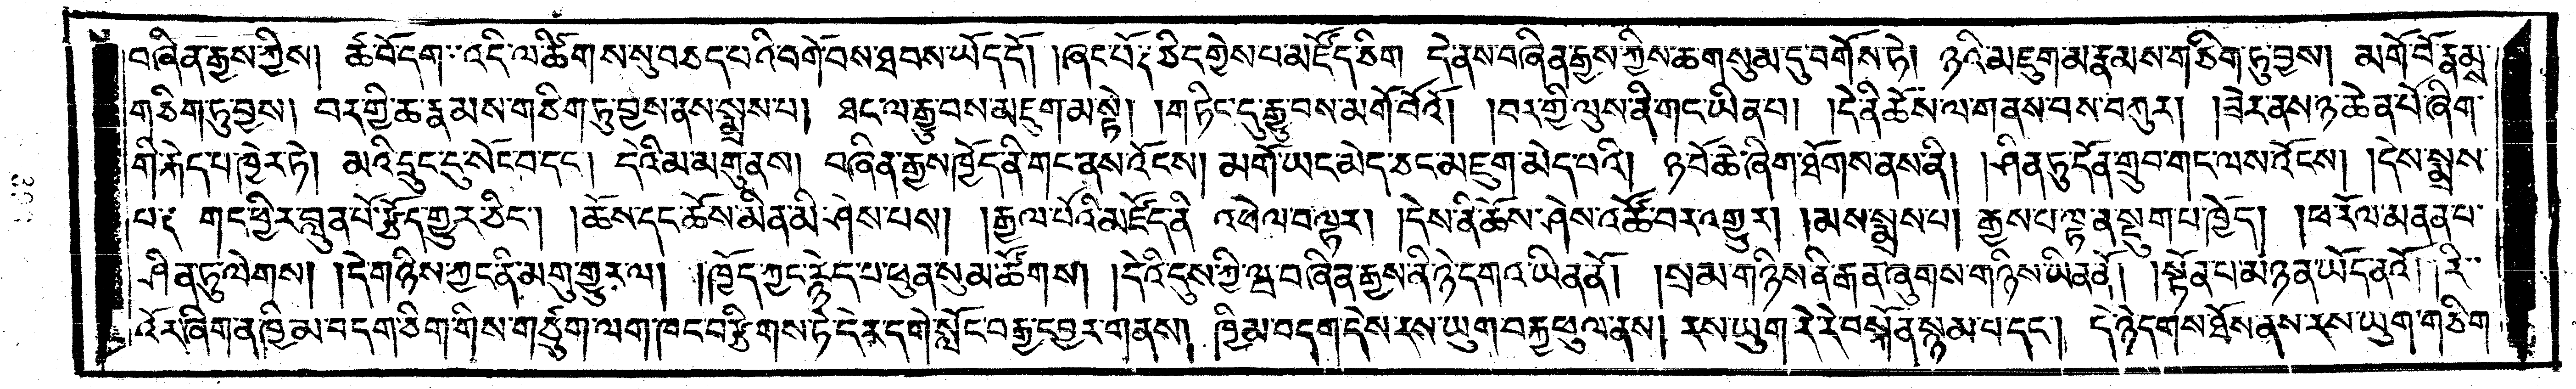བཞིན་རྒྱས་ཀྱིས། ཚ་བོ་དག་འདི་ལ་ཚིགས་སུ་བཅད་པའི་བགོ་བས་ཐབས་ཡོད་དོ། །ཞང་པོ༑ ཅིང་གྱེས་པ་མཛོད་ཅིག་དེ་ནས་བཞིན་རྒྱས་ཀྱིས་ཆ་གསུམ་དུ་བགོས་ཏེ། ཉའི་མཇུག་མ་རྣམས་གཅིག་ཏུ་བྱས། མགོ་བོ་རྣམས་
གཅིག་ཏུ་བྱས། བར་གྱི་ཆ་རྣམས་གཅིག་ཏུ་བྱས་ནས་སྨྲས་པ། ཐང་ལ་རྒྱུ་བས་མཇུག་མ་སྟེ། །གཏིང་དུ་རྒྱུ་བས་མགོ་བོའོ། །བར་གྱི་ལུས་ནི་གང་ཡིན་པ། །དེ་ནི་ཆོས་ལ་གནས་པས་བཀུར། །ཟེར་ནས་ཉ་ཆེན་པོ་ཞིག་
གི་རྐེད་པ་ཁྱེར་ཏེ། མའི་དྲུང་དུ་སོང་བ་དང་། དེའི་མ་མགུ་ནས། བཞིན་རྒྱས་ཁྱོད་ནི་གང་ནས་འོངས། མགོ་ཡང་མེད་ཅང་མཇུག་མེད་པའི། ཉ་བོ་ཆེ་ཞིག་ཐོགས་ནས་ནི། །ཤིན་ཏུ་དོན་གྲུབ་གང་ལས་འོངས། །དེས་སྨྲས་
པ༑ གང་ཕྱིར་བླུན་པོ་རྩོད་གྱུར་ཅིང་། །ཆོས་དང་ཆོས་མིན་མི་ཤེས་པས། །རྒྱལ་པོའི་མཛོད་ནི། འཕེལ་བ་ལྟར། །དེས་ནི་ཆོས་ཤེས་འཚོ་བར་འགྱུར། །མས་སྨྲས་པ། །རྒྱས་པ་ལྟ་ན་སྡུག་པ་ཁྱོད། །ཕ་རོལ་མནན་པ་
ཤིན་ཏུ་ལེགས། །དེ་གཉིས་ཀྱང་ནི་མགུ་གྱུར་ལ། །ཁྱོད་ཀྱང་རྙེད་པ་ཕུན་སུམ་ཚོགས། །དེའི་དུས་ཀྱི་ཝ་བཞིན་རྒྱས་ནི་ཉེ་དགའ་ཡིན་ནོ། །སྲམ་གཉིས་ནི་རྒན་ཞུགས་གཉིས་ཡིན་ནོ། །སྟོན་པ་མཉན་ཡོད་ནའོ། །རི་
འོར་ཞིག་ན་ཁྱིམ་བདག་ཅིག་གིས་གཙུག་ལག་ཁང་བརྩིགས་ཏེ་དེར་དགེ་སློང་བརྒྱ་དབྱར་གནས། ཁྱིམ་བདག་དེས་རས་ཡུག་བརྐྱ་ཕུལ་ནས། རས་ཡུག་རེ་རེ་བསྐོན་སྙམ་པ་དང་། དེ་ཉེ་དགས་ཐོས་ནས་རས་ཡུག་གཅིག་